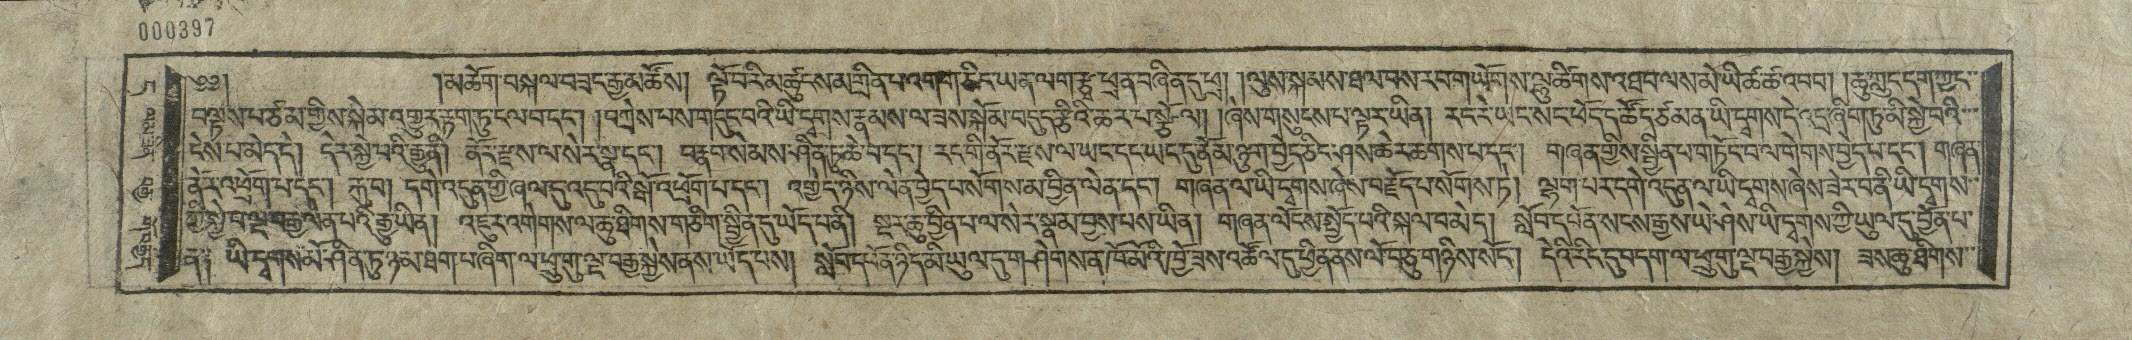༄༅། །མཆོག་བསྐལ་བཟང་རྒྱ་མཚོས། ལྟོ་བ་རི་མཚུངས་མགྲིན་པ་འགག་ཅིང་ཡན་ལག་རྩྭ་ཕྲན་བཞིན་དུ་ཕྲ། །ལུས་སྐབས་ཐལ་བས་རབ་གཡོགས་ལྷུ་ཚིགས་འཐབ་ལས་མེ་ཡི་ཚ་ཚ་འབབ། །ཆུ་ཀླུང་དག་ཀྱང་
བལྟས་པ་ཙམ་གྱིས་སྐེམ་འགྱུར་རྟག་ཏུ་ངལ་བ་དང་། །བཀྲེས་པས་གདུང་བའི་ཡི་དྭགས་རྣམས་ལ་ཟས་སྐོམ་བདུད་རྩིའི་ཆར་པ་སྩོལ། །ཞེས་གསུངས་པ་ལྟར་ཡིན། རང་རེ་ཡང་སང་ཕོད་ད་ཚོད་ཙམ་ན་ཡི་དྭགས་དེ་འདྲ་ཞིག་ཏུ་མི་སྐྱེ་བའི་
ངེས་པ་མེད་དེ། དེར་སྐྱེ་བའི་རྒྱུ་ནི། ནོར་རྫས་ལ་སེར་སྣ་དང་། བརྣབ་སེམས་ཤིན་ཏུ་ཆེ་བ་དང་། རང་གི་ནོར་རྫས་ལ་ཡང་དང་ཡང་དུ་ནོམ་ཉུག་བྱེད་ཅིང་ཤས་ཆེར་ཆགས་པ་དང་། གཞན་གྱིས་སྦྱིན་པ་གཏོང་བ་ལ་གེགས་བྱེད་པ་དང་། གཞན་
ནོར་འཕྲོག་པ་དང་། རྐུ་བ། དགེ་འདུན་གྱི་ཞལ་དུ་འདུ་བའི་སྒོ་འཕྲོག་པ་དང་། འགྱེད་ཉིས་ལེན་བྱེད་པ་སོགས་མ་བྱིན་ལེན་དང་། གཞན་ལ་ཡི་དྭགས་ཞེས་བརྗོད་པ་སོགས་ཏེ། ལྷག་པར་དགེ་འདུན་ལ་ཡི་དྭགས་ཞེས་ཟེར་བ་ནི་ཡི་དྭགས་
ཀྱི་སྐྱེ་བ་ལྔ་བརྒྱ་ལེན་པའི་རྒྱུ་ཡིན། འཇུར་འགེགས་ལ་ཆུ་ཐིགས་གཅིག་སྦྱིན་དུ་ཡོད་པ་ནི། སྔར་ཆུ་བྱིན་པ་ལ་སེར་སྣ་མ་བྱས་པས་ཡིན། གཞན་ལོངས་སྤྱོད་པའི་སྐལ་བ་མེད། སློབ་དཔོན་སངས་རྒྱས་ཡེ་ཤེས་ཡི་དྭགས་ཀྱི་ཡུལ་དུ་བྱོན་པ་
ན༑ ཡི་དྭགས་མོ་ཤིན་ཏུ་ཉམ་ཐག་པ་ཞིག་ལ་ཕྲུ་གུ་ལྔ་བརྒྱ་སྐྱེས་ནས་ཡོད་པས། སློབ་དཔོན་ཉིད་མི་ཡུལ་དུ་གཤེགས་ན་ཁོ་མོའི་ཁྱོ་ཟས་འཚོལ་དུ་ཕྱིན་ནས་ལོ་བཅུ་གཉིས་སོང་། དེའི་རིང་དུ་བདག་ལ་ཕྲུ་གུ་ལྔ་བརྒྱ་སྐྱེས། ཟས་ཆུ་ཐིགས་